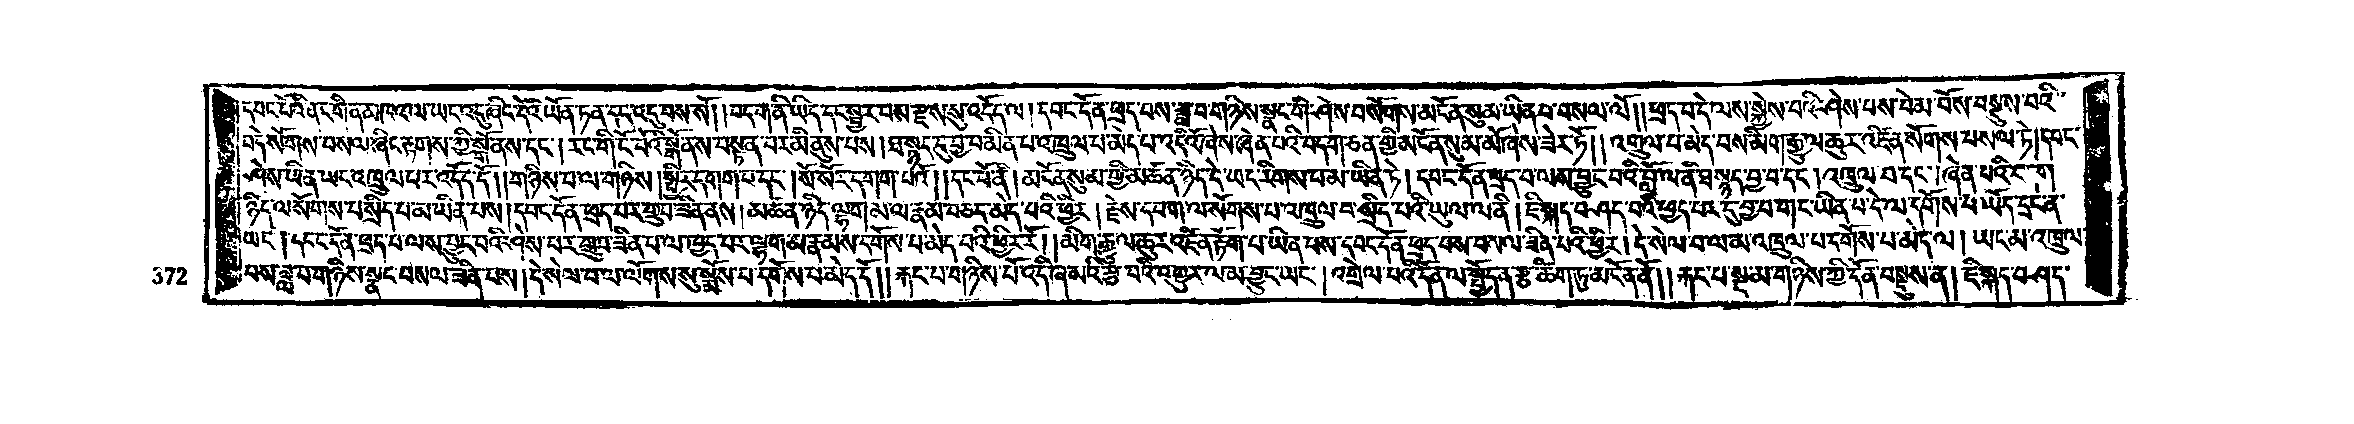དབང་པོའི་ནང་གི་ནམ་མཁའ་ལ་ཡང་འདུ་ཞིང་དེའི་ཡོན་ཏན་དང་འདུ་བས་སོ། །བདག་ནི་ཡིད་དང་སྦྱར་བས་རྫས་སུ་འདོད་ལ། དབང་དོན་ཕྲད་པས་ཟླ་བ་གཉིས་སྣང་གི་ཤེས་པ་སོགས་མངོན་སུམ་ཡིན་པ་བསལ་ལོ། །ཕྲད་པ་དེ་ལས་སྐྱེས་པའི་ཤེས་པས་བེམ་པེས་བསྡུས་པའི་
བདེ་སོགས་བསལ་ཞིང་རྟགས་ཀྱི་སྒོ་ནས་དང་། རང་གི་ངོ་བོའི་སྒོ་ནས་བསྟན་པར་མི་ནུས་པས། ཐ་སྙད་དུ་བྱ་བ་མིན་པ་འཁྲུལ་པ་མེད་པ་འདིའོ་ཞེས་ཞེ་ན་པའི་བདག་ཅན་གྱི་མངོན་སུམ་མོ་ཞེས་ཟེར་ཏོ། །འགྲུལ་པ་མེད་པས་མིག་རྒྱུ་ལ་ཆུར་འཛིན་སོགས་པས་ལ་ཏེ། དབང་
ཤེས་ཡིན་ཡང་འཁྲུལ་པར་འདོད་དོ། །གཉིས་པ་ལ་གཉིས། སྤྱིར་དགག་པ་དང་། སོ་སོར་དགག་པའོ། །དང་པོ་ནི། མངོན་སུམ་གྱི་མཚན་ཉིད་དེ་ཡང་རིགས་པ་མ་ཡིན་ཏེ། དབང་དོན་ཕྲད་པ་ལས་བྱུང་བའི་བློ་ལ་ནི་ཐ་སྙད་བྱ་བ་དང་། འཁྲུལ་པ་དང་། ཞེན་པའི་བདག་
ཉིད་ལ་སོགས་པ་སྲིད་པ་མ་ཡིན་པས། དབང་དོན་ཕྲད་པར་གྲུབ་ཟིན་ནས། མཚན་ཉིད་ལྷག་མ་ལ་རྣམ་བཅད་མེད་པའི་ཕྱིར། རྗེས་དཔག་ལ་སོགས་པ་འཁྲུལ་པ་སྲིད་པའི་ཡུལ་ལ་ནི། ཇི་སྐད་བཤད་པའི་ཕྲད་པར་དུ་བྱ་བ་གང་ཡིན་པ་དེ་ལ་དགོས་པ་ཡོད་དྲང་ང་
ཡང་། དབང་དོན་ཕྲད་པ་ལས་བྱུང་བའི་ཤེས་པར་གྲུབ་ཟིན་པ་ལ་ཁྱད་པར་ལྷག་མ་རྣམས་དགོས་པ་མེད་པའི་ཕྱིར་རོ། །མིག་རྒྱུ་ལ་ཆུར་འཛིན་རྟོག་པ་ཡིན་པས་དབང་དོན་ཕྲད་པས་བསལ་ཟིན་པའི་ཕྱིར། དེ་སེལ་བ་ལ་མ་འཁྲུལ་པ་དགོས་པ་མེད་ལ། ཡང་མ་འཁྲུལ་
བས་ཟླ་བ་གཉིས་སྣང་བསལ་ཟིན་པས། དེ་སེལ་བ་ལ་ལོགས་སུ་སྨོས་པ་དགོས་པ་མེད་དོ། །རྐང་པ་གཉིས་པོ་འདི་ཞ་མའི་རྩེ་བའི་འགྱུར་ལ་མ་བྱུང་ཡང་། འགྲེལ་པའི་དོན་ལ་སྤྱོད་ན་རྩ་ཚིག་ཏུ་མངོན་ནོ། །རྐང་པ་སྔ་མ་གཉིས་ཀྱི་དོན་བསྡུས་ན། ཇི་སྐད་བཤད་